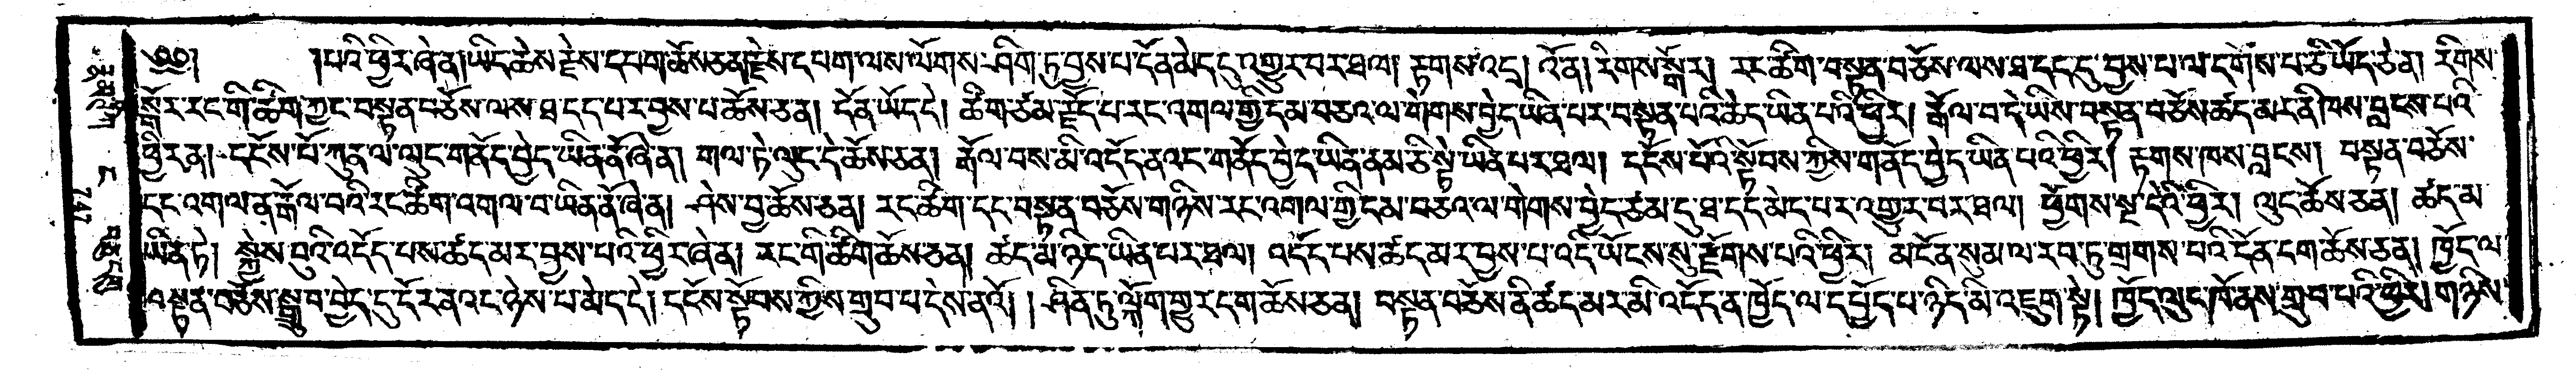༄༅། །པའི་ཕྱིར་ཞེ་ན། ཡིད་ཆེས་རྗེས་དཔག་ཆོས་ཅན། རྗེས་དཔག་ལས་ལོགས་ཤིག་ཏུ་བྱས་པ་དོན་མེད་དུ་འགྱུར་བར་ཐལ། རྟགས་འདྲ། འོ་ན། རིགས་སྒོ་ར། རང་ཚིག་བསྟན་བཅོས་ལས་ཐ་དད་དུ་བྱས་པ་ལ་དགོས་པ་ཅི་ཡོད་ཅེ་ན། རིགས་
སྒོར་རང་གི་ཚིག་ཀྱང་བསྟན་བཅོས་ལས་ཐ་དད་པར་བྱས་པ་ཆོས་ཅན། དོན་ཡོད་དེ། ཚིག་ཙམ་རྗོད་པ་རང་འགལ་གྱི་དམ་བཅའ་ལ་གེགས་བྱེད་ཡིན་པར་བསྟན་པའི་ཆེད་ཡིན་པའི་ཕྱིར། རྒོལ་བ་དེ་ཡིས་བསྟན་བཅོས་ཚད་མར་ནི། ཁས་བླངས་པའི་
ཕྱིར་ན། དངོས་པོ་ཀུན་ལ་ལུང་གནོད་བྱེད་ཡིན་ནོ་ཞེ་ན། གལ་ཏེ་ལུང་དེ་ཆོས་ཅན། རྒོལ་བས་མི་འདོད་ནའང་གནོད་བྱེད་ཡིན་ནམ་ཅི་སྟེ་ཡིན་པར་ཐལ། དངོས་པོའི་སྟོབས་ཀྱིས་གནོད་བྱེད་ཡིན་པའི་ཕྱིར། རྟགས་ཁས་བླངས། བསྟན་བཅོས་
དང་འགལ་ན་རྒོལ་བའི་རང་ཚིག་འགལ་བ་ཡིན་ནོ་ཞེ་ན། ཤེས་བྱ་ཆོས་ཅན། རང་ཚིག་དང་བསྟན་བཅོས་གཉིས་རང་འགལ་གྱི་དམ་བཅའ་ལ་གེགས་བྱེད་ཙམ་དུ་ཐ་དད་མེད་པར་འགྱུར་བར་ཐལ། ཕྱོགས་སྔ་དེའི་ཕྱིར། ལུང་ཆོས་ཅན། ཚད་མ་
ཡིན་ཏེ། སྐྱེས་བུའི་འདོད་པས་ཚད་མར་བྱས་པའི་ཕྱིར་ཞེ་ན། རང་གི་ཚིག་ཆོས་ཅན། ཚད་མ་ཉིད་ཡིན་པར་ཐལ། འདོད་པས་ཚད་མར་བྱས་པ་འདི་ཡོངས་སུ་རྫོགས་པའི་ཕྱིར། མངོན་སུམ་ལ་རབ་ཏུ་གྲགས་པའི་དོན་དག་ཆོས་ཅན། ཁྱོད་ལ་
བསྟན་བཅོས་སྒྲུབ་བྱེད་དུ་དོར་ནའང་ཉེས་པ་མེད་དེ། དངོས་སྟོབས་ཀྱིས་གྲུབ་པ་དེས་ནའོ། །ཤིན་ཏུ་ལྐོག་གྱུར་དག་ཆོས་ཅན། བསྟན་བཅོས་ནི་ཚད་མར་མི་འདོད་ན་ཁྱོད་ལ་དཔྱོད་པ་ཉིད་མི་འཇུག་སྟེ། ཁྱོད་ལུང་ཁོ་ནས་གྲུབ་པའི་ཕྱིར། གཉིས་